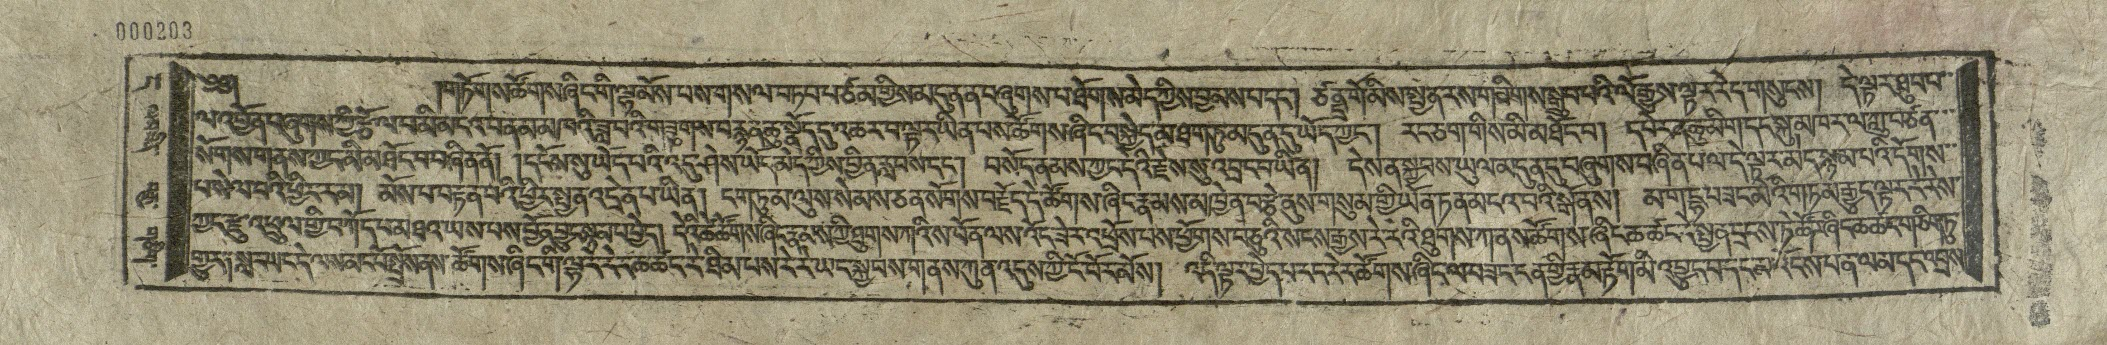༄༅། །གཏོགས་ཚོགས་ཞིང་གི་ལྷ་མོས་པས་གསལ་བཏབ་པ་ཙམ་གྱིས་མདུན་ན་བཞུགས་པ་ཐོགས་མེད་ཀྱིས་བྱམས་པ་དང་། ཙནྡྲ་གོ་མིས་སྤྱན་རས་གཟིགས་སྒྲུབ་པའི་ལོ་རྒྱུས་ལྟར་རེད་གསུངས། དེ་ལྟར་ཐུབ་པ་
ལ་འབྱོན་བཞུགས་ཀྱི་རྩོལ་བ་མི་མངའ་བ་ནམ་མཁའི་ཟླ་བའི་གཟུགས་བརྙན་ཆུ་སྣོད་དུ་འཆར་བ་ལྟར་ཡིན་པས་ཚོགས་ཞིང་བསྐྱེད་མ་ཐག་ཏུ་མདུན་དུ་ཡོད་ཀྱང་། རང་ཅག་གིས་མི་མཐོང་བ། དཔེར་ན་ཆུ་མིག་དང་སྐུ་མཁར་ལ་ཀླུ་བཙན་
སོགས་གནས་ཀྱང་མི་མཐོང་བ་བཞིན་ནོ། །དངོས་སུ་ཡོད་པའི་འདུ་ཤེས་ཡོད་མེད་ཀྱིས་བྱིན་རླབས་དང་། བསོད་ནམས་ཀྱང་དེའི་རྗེས་སུ་འབྲང་བ་ཡིན། དེས་ན་སྐྱབས་ཡུལ་མདུན་དུ་བཞུགས་བཞིན་པ་ལ་དེ་ལྟར་མེད་སྙམ་པའི་དོགས་
པ་སེལ་བའི་ཕྱིར་རམ། མོས་པ་བརྟན་པའི་ཕྱིར་སྤྱན་འདྲེན་པ་ཡིན། ངག་ཏུ་མ་ལུས་སེམས་ཅན་སོགས་བརྗོད་དེ་ཚོགས་ཞིང་རྣམས་མཁྱེན་བརྩེ་ནུས་གསུམ་གྱི་ཡོན་ཏན་མངའ་བའི་སྒོ་ནས། མ་ག་དྷ་བཟང་མེའི་གཏམ་རྒྱུད་ལྟར་རེ་རེས་
ཀྱང་རྫུ་འཕྲུལ་གྱི་བཀོད་པ་མཐའ་ཡས་པས་བྱོན་བྱུང་སྙམ་པ་བྱེད། དེའི་ཚེ་ཚོགས་ཞིང་རྣམས་ཀྱི་ཐུགས་ཀའི་ས་བོན་ལས་འོད་ཟེར་འཕྲོས་པས་ཕྱོགས་བཅུའི་སངས་རྒྱས་རེ་རེའི་ཐུགས་ཀ་ནས་ཚོགས་ཞིང་ཆ་ཚང་རེ་སྤྱན་དྲངས་ཏེ་ཚོགས་ཞིང་ཆ་ཚང་གཅིག་ཏུ་
གྱུར༑ སླར་ཡང་དེ་ལས་མང་པོ་སྤྲོས་ནས་ཚོགས་ཞིང་གི་ལྷ་རེ་རེར་ཆ་ཚང་རེ་ཐིམ་པས་རེ་རེ་ཡང་སྐྱབས་གནས་ཀུན་འདུས་ཀྱི་ངོ་བོར་མོས། འདི་ལྟར་བྱེད་པ་རང་རེར་ཚོགས་ཞིང་ལ་བཟང་ངན་གྱི་རྣམ་རྟོག་མི་འབྱུང་བ་དང་མ་འོངས་པ་ན་ལམ་དང་འབྲས་